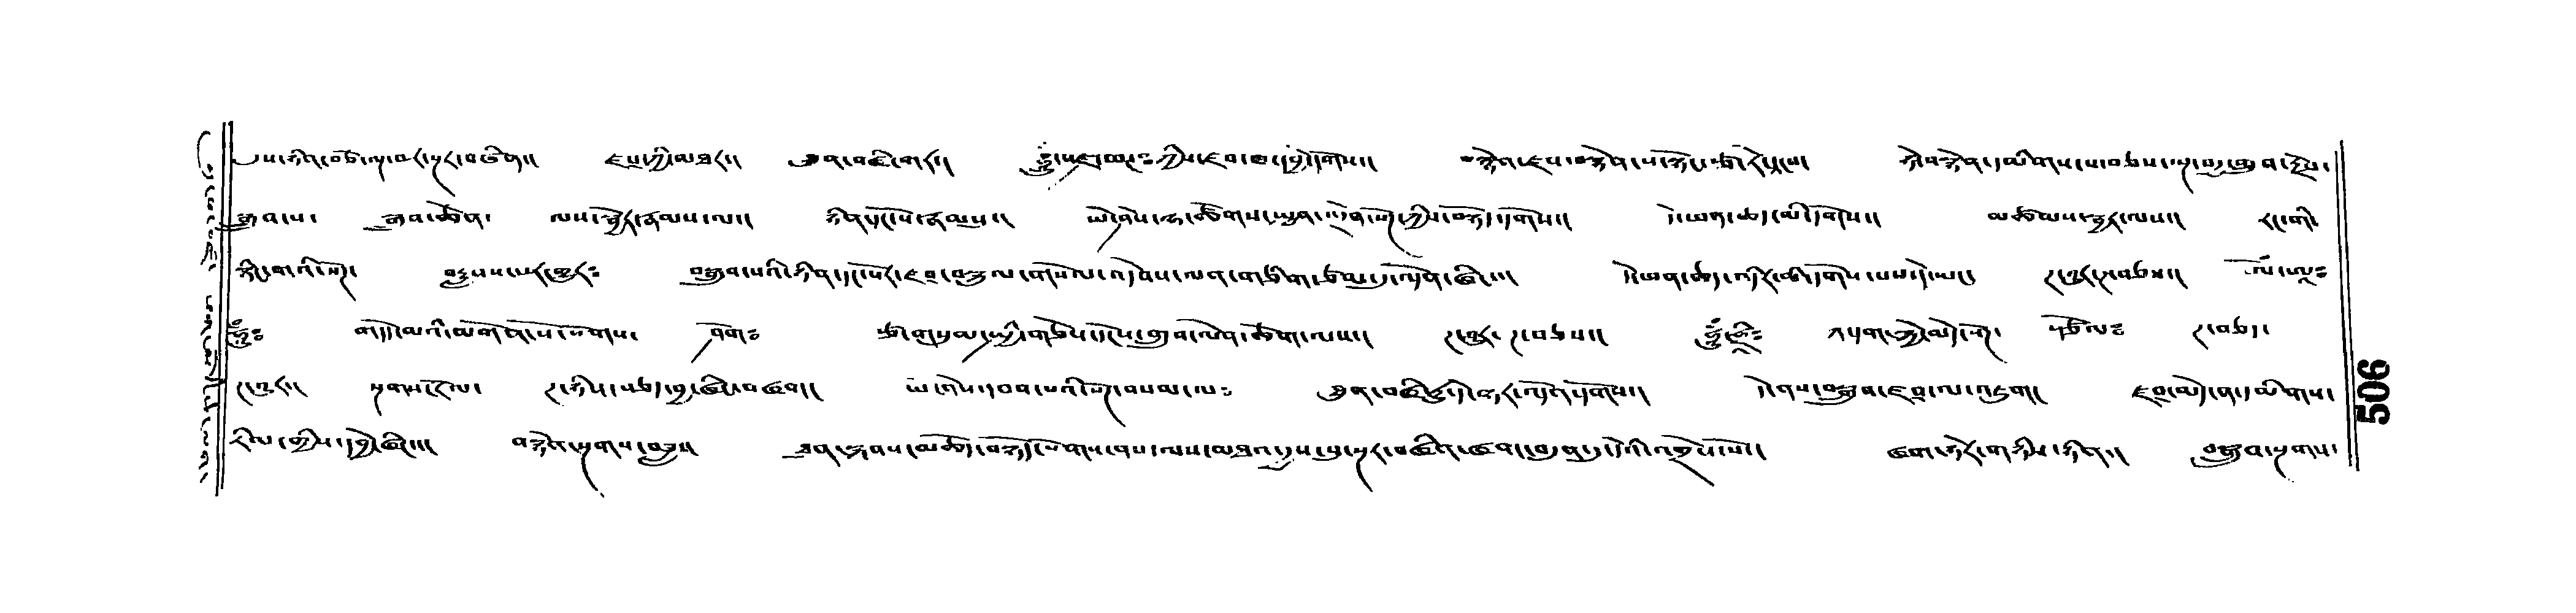དུས་ཉིན་བཅོ་ལྔ་བར་སྔར་བཞིན། འཛབ་ཀྱི་མཐར། ཐུན་བཞི་གར་བྷྲཱུྃ་བཛྲ་ཕཊཿ ཀྱིས་ཛབ་ཁ་དབྱེ་དགོས། བསྙེན་འཛབ་བསྙེན་པ་སྟོང་རྩ་རེ་དང་། ཉེ་བསྙེན་དམིགས་པ་བཅས་ལྔ་བརྒྱ་གྲུབ་རྗེས་
སྒྲུབ་པ། སྒྲུབ་ཆེན། ལས་སྦྱོར་རྣམས་ལ། ཉིན་དང་པོ་རྣམས་སུ། ཡེ་ཤེས་ལྷ་ཚོགས་སྤྱན་འདྲེན་སོགས་ཀྱིས་བསྟོད་དགོས། དེ་ཕན་ཆད་མི་དགོས། མཚམས་སྦྱར་ལས། རང་གི་
སྙིང་གའི་སོགས། བརླབས་པར་གྱུར༔ བསྒྲུབ་པའི་ཉིན་དང་པོར་འཛབ་བསྐུལ་གསོལ་འདེབས་ལན་གཅིག་ཙམ་དུ་འདོན་ཞིང་། དེ་ཕན་ཆད་འདིར་མི་དགོས་པས་དེ་ཡང་ཌཱ་འུར་ཌཱ་བཅས། ཨོཾ་ཨཱཿཧཱུྃ༔ 
གདོད་མའི་མགོན་པོ་སོགས། ཤོག༔ རྩ་གསུམ་སྤྱི་གཅེས་དངོས་གྲུབ་ལེན་ཆོག་ལས། ཌཱ་འུར་ཌཱ་བཅས། ཧཱུྃ་ཧྲཱིཿ ཀ་དག་སྐྱེ་མེད་སོགས། སྩོལ༔ ཌཱ་བཅད། ཌཱ་འུར། སྔགས་རོལ། ཌཱ་ཉིས་བཅད་
བྱ་ཞིང་བཞག ཡེ་ཤེས་དབབ་པའི་སོགས། བསམ་ལ༔ ཐུན་བཞི་རུ་དེ་ལྟར་འདོན་དགོས། དེ་ནས་སྒྲུབ་འཛབ་ལ་འཇུག འཛབ་མེད་ན་དམིགས་
རིམ་གྱིས་དབྱེ་ཞིང་། བསྙེན་སྔགས་བཟླས། ཐུན་སྐབས་མཆོད་བསྟོད་སོགས་ནས་ལས་མཐའ་རྒྱས་སུ་སྔར་བཞིན་ཞག་བདུན་དུ་དེའི་འགྲེས་སོ།ཞག་ཉེར་གཉིས་ཉིན། བསྒྲུབ་སྔགས་